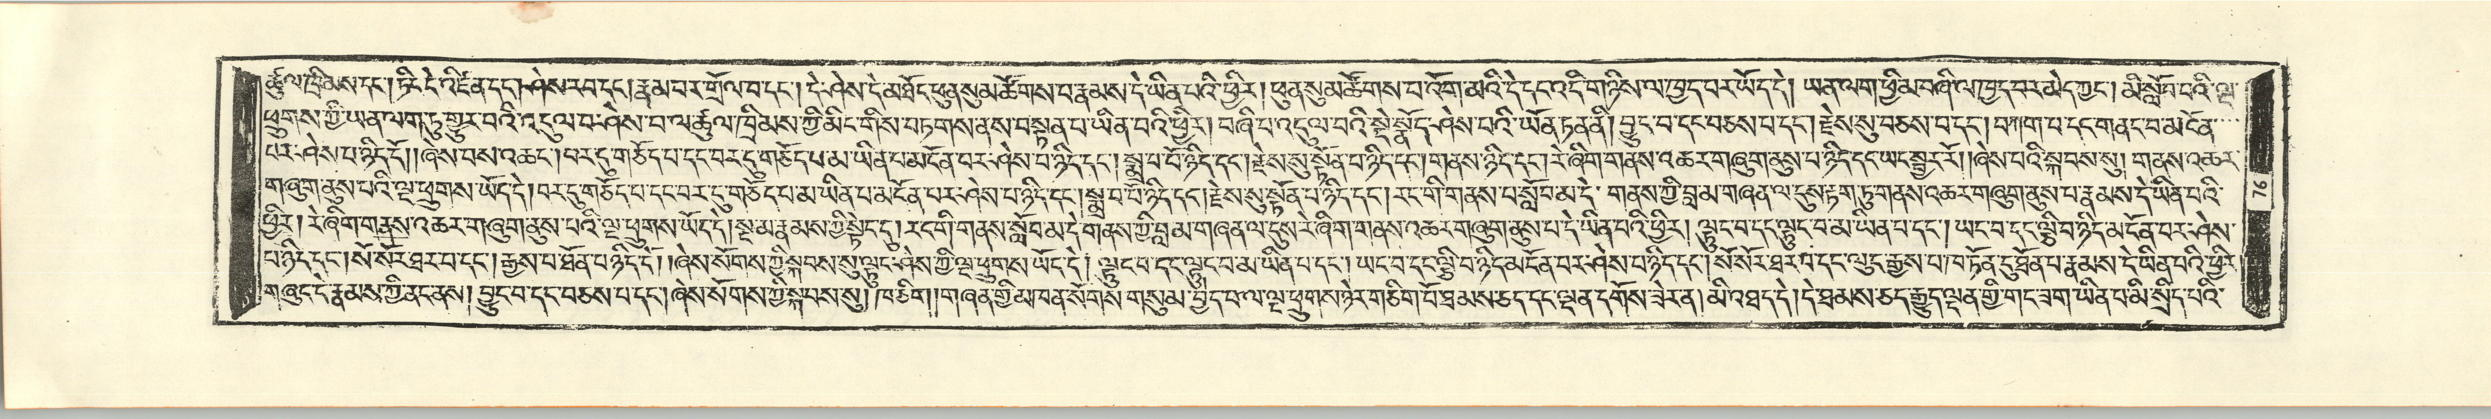ཚུལ་ཁྲིམས་དང་། ཏིང་ངེ་འཛིན་དང་། ཤེས་རབ་དང་། རྣམ་པར་གྲོལ་བ་དང་། དེ་ཤེས་དེ་མཐོང་ཕུན་སུམ་ཚོགས་པ་རྣམས་དེ་ཡིན་པའི་ཕྱིར། ཕུན་སུམ་ཚོགས་པ་འོག་མའི་དེ་དང་འདི་གཉིས་ལ་ཁྱད་པར་ཡོད་དེ། ཡན་ལག་ཕྱི་མ་བཞི་ལ་ཁྱད་པར་མེད་ཀྱང་། མི་སློབ་པའི་ལྔ་
ཕྲུགས་ཀྱི་ཡན་ལག་ཏུ་གྱུར་བའི་འདུལ་བ་ཤེས་པ་ལ་ཚུལ་ཁྲིམས་ཀྱི་མིང་གིས་བཏགས་ནས་བསྟན་པ་ཡིན་པའི་ཕྱིར། བཞི་པ་འདུལ་བའི་སྡེ་སྣོད་ཤེས་པའི་ཡོན་ཏན་ནི། བྱུང་བ་དང་བཅས་པ་དང་། རྗེས་སུ་བཅས་པ་དང་། བཀག་པ་དང་གནང་བ་མངོན་
པར་ཤེས་པ་ཉིད་དོ། །ཞེས་པས་འཆང་། བར་དུ་གཅོད་པ་དང་བར་དུ་གཅོད་པ་མ་ཡིན་པ་མངོན་པར་ཤེས་པ་ཉིད་དང་། སྨྲ་བ་པོ་ཉིད་དང་། རྗེས་སུ་སྟོན་པ་ཉིད་དང་། གནས་ཉིད་དང་། རེ་ཞིག་གནས་འཆར་གཞུག་ནུས་པ་ཉིད་དང་ཡང་སྦྱར་རོ། །ཞེས་པའི་སྐབས་སུ། གནས་འཆར་
གཞུག་ནུས་པའི་ལྔ་ཕྲུགས་ཡོད་དེ། བར་དུ་གཅོད་པ་དང་བར་དུ་གཅོད་པ་མ་ཡིན་པ་མངོན་པར་ཤེས་པ་ཉིད་དང་། སྨྲ་བ་པོ་ཉིད་དང་། རྗེས་སུ་སྟོན་པ་ཉིད་དང་། རང་གི་གནས་པ་སློབ་མ་དེ། གནས་ཀྱི་བླ་མ་གཞན་ལ་དུས་རྟག་ཏུ་གནས་འཆར་གཞུག་ནུས་པ་རྣམས་དེ་ཡིན་པའི་
ཕྱིར། རེ་ཞིག་གནས་འཆར་གཞུག་ནུས་པའི་ལྔ་ཕྲུགས་ཡོད་དེ། སྔ་མ་རྣམས་ཀྱི་སྟེང་དུ། རང་གི་གནས་སློབ་མ་དེ་གནས་ཀྱི་བླ་མ་གཞན་ལ་དུས་རེ་ཞིག་གནས་འཆར་གཞུག་ནུས་པ་དེ་ཡིན་པའི་ཕྱིར། ལྟུང་བ་དང་ལྟུང་བ་མ་ཡིན་པ་དང་། ཡང་བ་དང་ལྕི་བ་ཉིད་མངོན་པར་ཤེས་
པ་ཉིད་དང་། སོ་སོར་ཐར་བ་དང་། རྒྱས་པ་ཐོན་པ་ཉིད་དོ། །ཞེས་སོགས་ཀྱི་སྐབས་སུ་ལྟུང་ཤེས་ཀྱི་ལྔ་ཕྲུགས་ཡོད་དེ། ལྟུང་བ་དང་ལྟུང་བ་མ་ཡིན་པ་དང་། ཡང་བ་དང་ལྕི་བ་ཉིད་མངོན་པར་ཤེས་པ་ཉིད་དང་། སོ་སོར་ཐར་བ་དང་ལུང་རྒྱས་པ་ཁ་ཏོན་དུ་ཐོན་པ་རྣམས་དེ་ཡིན་པའི་ཕྱིར་
གཞུང་དེ་རྣམས་ཀྱི་ནང་ནས། བྱུང་བ་དང་བཅས་པ་དང་། ཞེས་སོགས་ཀྱི་སྐབས་སུ། ཁ་ཅིག །གཞན་གྱི་མཁན་སོགས་གསུམ་བྱེད་པ་ལ་ལྔ་ཕྲུགས་ཉེར་གཅིག་པོ་ཐམས་ཅད་དང་ལྡན་དགོས་ཟེར་ན། མི་འཐད་དེ། དེ་ཐམས་ཅད་རྒྱུད་ལྡན་གྱི་གང་ཟག་ཡིན་པ་མི་སྲིད་པའི་